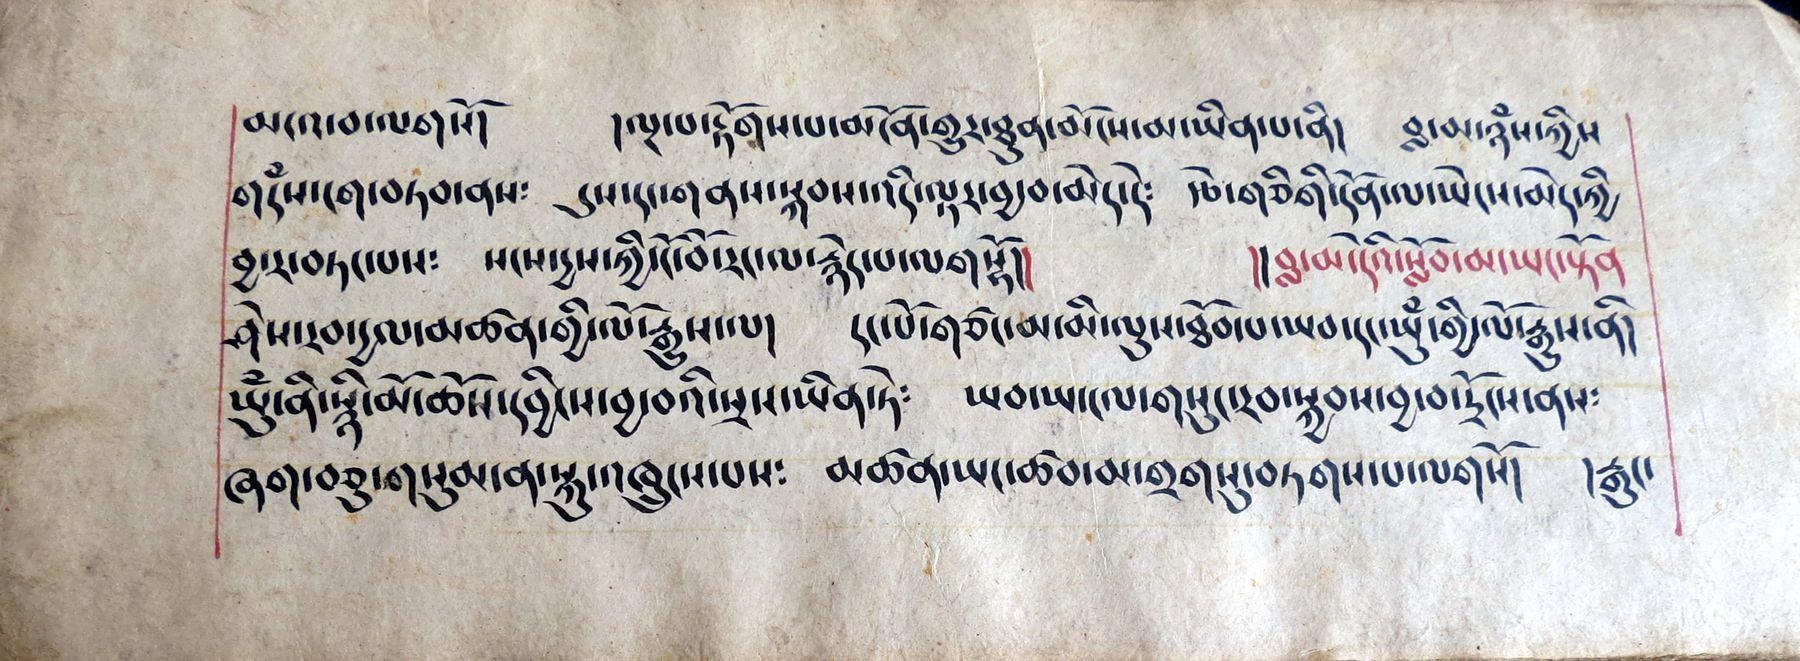མངའ་བ་ལགས་སོ། ལྔ་པ་རྟོགས་པ་མངོན་གྱུར་ཐུན་མོང་མ་ཡིན་པ་ནི། བླ་མས་ཉམས་ཀྱི་
གདམས་ངག་བཏབ་ནས། དུས་དང་གནས་སྐབས་འདི་ལྟར་བྱ་བ་མེད་དེ། རྩེ་གཅིག་གི་དོན་ལ་ཡེངས་མེད་ཀྱི་
བྱ་ར་བཏང་བས། སངས་རྒྱས་ཀྱི་ངོ་བོ་རང་ལ་རྙེད་པ་ལགས་སོ། བླ་མ་དེའི་སློབ་མ་ཡང་སྟོན་
ཤེས་རབ་རྒྱལ་མཚན་གྱི་ལོ་རྒྱུས་ལ་ལྔ། དང་པོ་གཙང་མ་མི་ལུས་ཐོབ་པ་ཡབ་དང་ཡུམ་གྱི་ལོ་རྒྱུས་ནི། 
ཡུམ་སྙི་མོ་ཆོས་སྐྱིད་བྱ་བའི་སྲས་ཡིན། ཡབ་ཡ་ངལ་གསུང་རབ་སྐྱབས་བྱ་བ་གྲོངས་ནས་
ཞག་བཅུ་གསུམ་ན་སྐུ་འཁྲུངས་པས། མཚན་ཡང་ཚབ་མ་གྲགས་སུ་བཏགས་པ་ལགས་སོ། རྒུང་